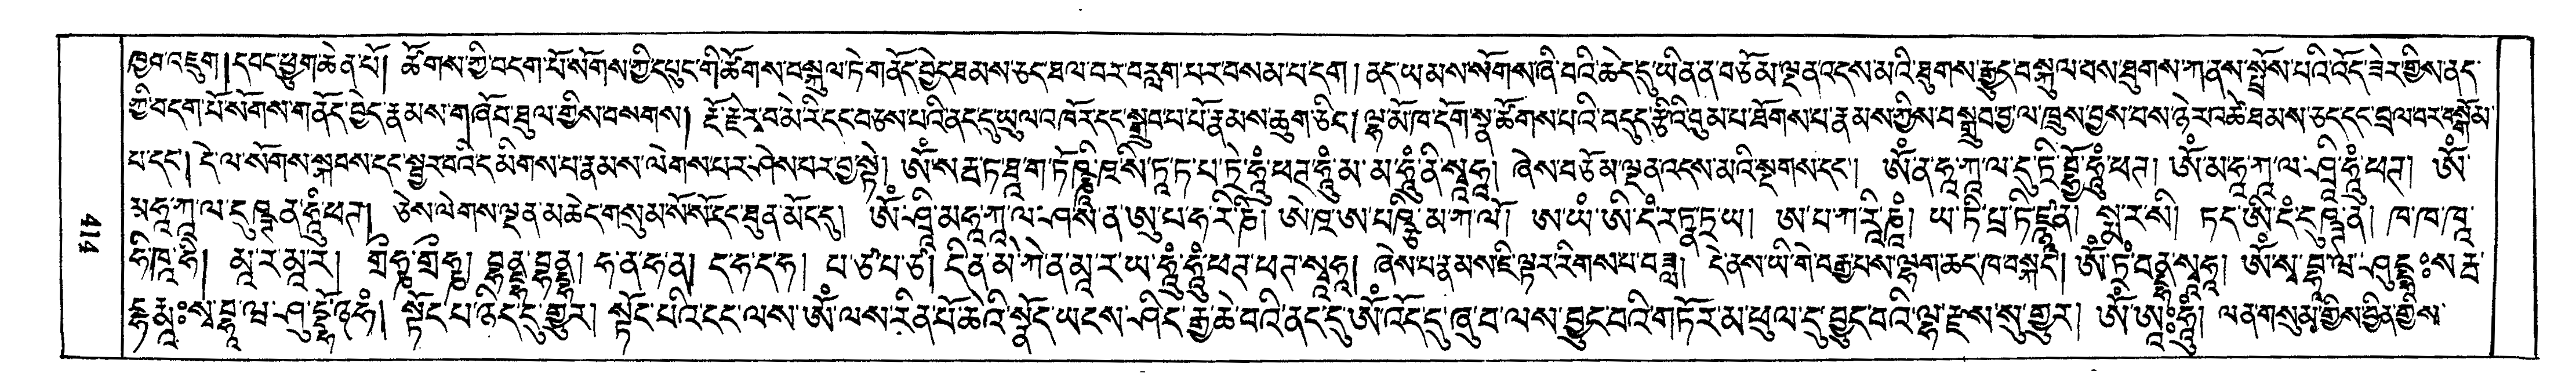ཁྱབ་འཇུག །དབང་ཕྱུག་ཆེན་པོ། ཚོགས་ཀྱི་བདག་པོ་སོགས་ཀྱི་དཔུང་གི་ཚོགས་བསྡུལ་ཏེ་གནོད་བྱེད་ཐམས་ཅད་ཐལ་བར་བརླག་པར་བསམ་པ་དང་། ནད་ཡམས་སོགས་ཞི་བའི་ཆེད་དུ་ཡིན་ན་བཅོམ་ལྡན་འདས་མའི་ཐུགས་རྒྱུད་བསྐུལ་པས་ཐུགས་ཀ་ནས་སྤྲོས་པའི་འོད་ཟེར་གྱིས་ནད་
ཀྱི་བདག་པོ་སོགས་གནོད་བྱེད་རྣམས་གཞོབ་ཐུལ་གྱིས་བསྲེགས། རྡོ་རྗེ་རྭ་བ་མེ་རི་དང་བཅས་པའི་ནང་དུ་ཡུལ་འཁོར་དང་སྒྲུབ་པ་པོ་རྣམས་ཆུག་ཅིང་། ལྷ་མོ་ཁ་དོག་སྣ་ཚོགས་པའི་བདུད་རྩིའི་བུམ་པ་ཐོགས་པ་རྣམས་ཀྱིས་བསྒྲུབ་བྱ་ལ་ཁྲུས་བྱས་པས་ཉེར་འཚེ་ཐམས་ཅད་དང་བྲལ་བར་བསྒོམ་
པ་དང་། དེ་ལ་སོགས་སྐབས་དང་སྦྱར་བའི་དམིགས་པ་རྣམས་ལེགས་པར་ཤེས་པར་བྱ་སྟེ། ཨོཾ་སརྦ་ཏཐཱ་ག་ཏོཥྞཱི་ཥ་སི་ཏཱ་ཏ་པ་ཏྲེ་ཧཱུཾ་ཕཊ་ཧཱུཾ་མ་མ་ཧཱུཾ་ནི་སྭཱཧཱ། ཞེས་བཅོམ་ལྡན་འདས་མའི་སྔགས་དང་།  ཨོཾ་མཧཱ་ཀཱ་ལ་དུ་ཏྲི་བྷྱོ་ཧཱུཾ་ཕཊ། ཨོཾ་མཧཱ་ཀཱལ་ཤྲཱི་ཧཱུཾ་ཕཊ། ཨོཾ་
མཧཱ་ཀཱལ་དུཥྚན་ཧཱུཾ་ཕཊ། ཅེས་ལེགས་ལྡན་མཆེད་གསུམ་སོ་སོ་དང་ཐུན་མོང་དང་།  ཨོཾ་ཤྲཱི་མཧཱ་ཀཱ་ལ་ཤཱ་ས་ན་ཨུ་པ་ཧ་རི་ཎེ། ཨེ་ཥ་ཨ་པཥྩི་མ་ཀ་ལོ། ཨ་ཡཾ་ཨི་དཾ་རཏྣ་ཏྲ་ཡ། ཨ་པ་ཀ་རཱི་ཎཱཾ། ཡ་ཏི་པྲ་ཏི་ཛྙཱ་ན། སྨ་ར་སི། ཏ་ད་ཨི་དཾ་དུཥྚ་ན། ཁ་ཁ་ཁཱ་
ཧི་ཁཱ་ཧི། མཱ་ར་མཱ་ར། གྲྀཧྞ་གྲྀཧྞ། བྷནྡྷ་བྷནྡྷ། ཧ་ན་ཧ་ན། ད་ཧ་ད་ཧ། པ་ཙ་པ་ཙ། དི་ན་མེ་ཀེ་ན་མཱ་ར་ཡ་ཧཱུཾ་ཧཱུཾ་ཕཊ་ཕཊ་སྭཱཧཱ། ཞེས་པ་རྣམས་ཇ་ལྟར་རིགས་པ་བཟླ། དེ་ནས་ཡི་གེ་བརྒྱ་པས་ལྷག་ཆད་ཁ་བསྐང་།  ཨོཾ་ཏྲཾ་བནྡྷ་སྭཱཧཱ། ཨོཾ་སྭ་བྷཱ་ཝ་ཤུདྡྷཱཿསརྦ་
དྷརྨཱཿསྭ་བྷཱ་ཝ་ཤུ་དྡྷོཉཧཾ། སྟོང་པ་ཉིད་དུ་གྱུར། སྟོང་པའི་ངང་ལས་ཨོཾ་ལས་རིན་པོ་ཆེའི་སྣོད་ཡངས་ཤིང་རྒྱ་ཆེ་བའི་ནང་དུ་ཨོཾ་འོད་དུ་ཞུ་བ་ལས་བྱུང་བའི་གཏོར་མ་ཕུལ་དུ་བྱུང་བའི་ལྷ་རྫས་སུ་གྱུར། ཨོཾ་ཨཱཿཧཱུཾ། ལན་གསུམ་གྱིས་བྱིན་གྱི་ས